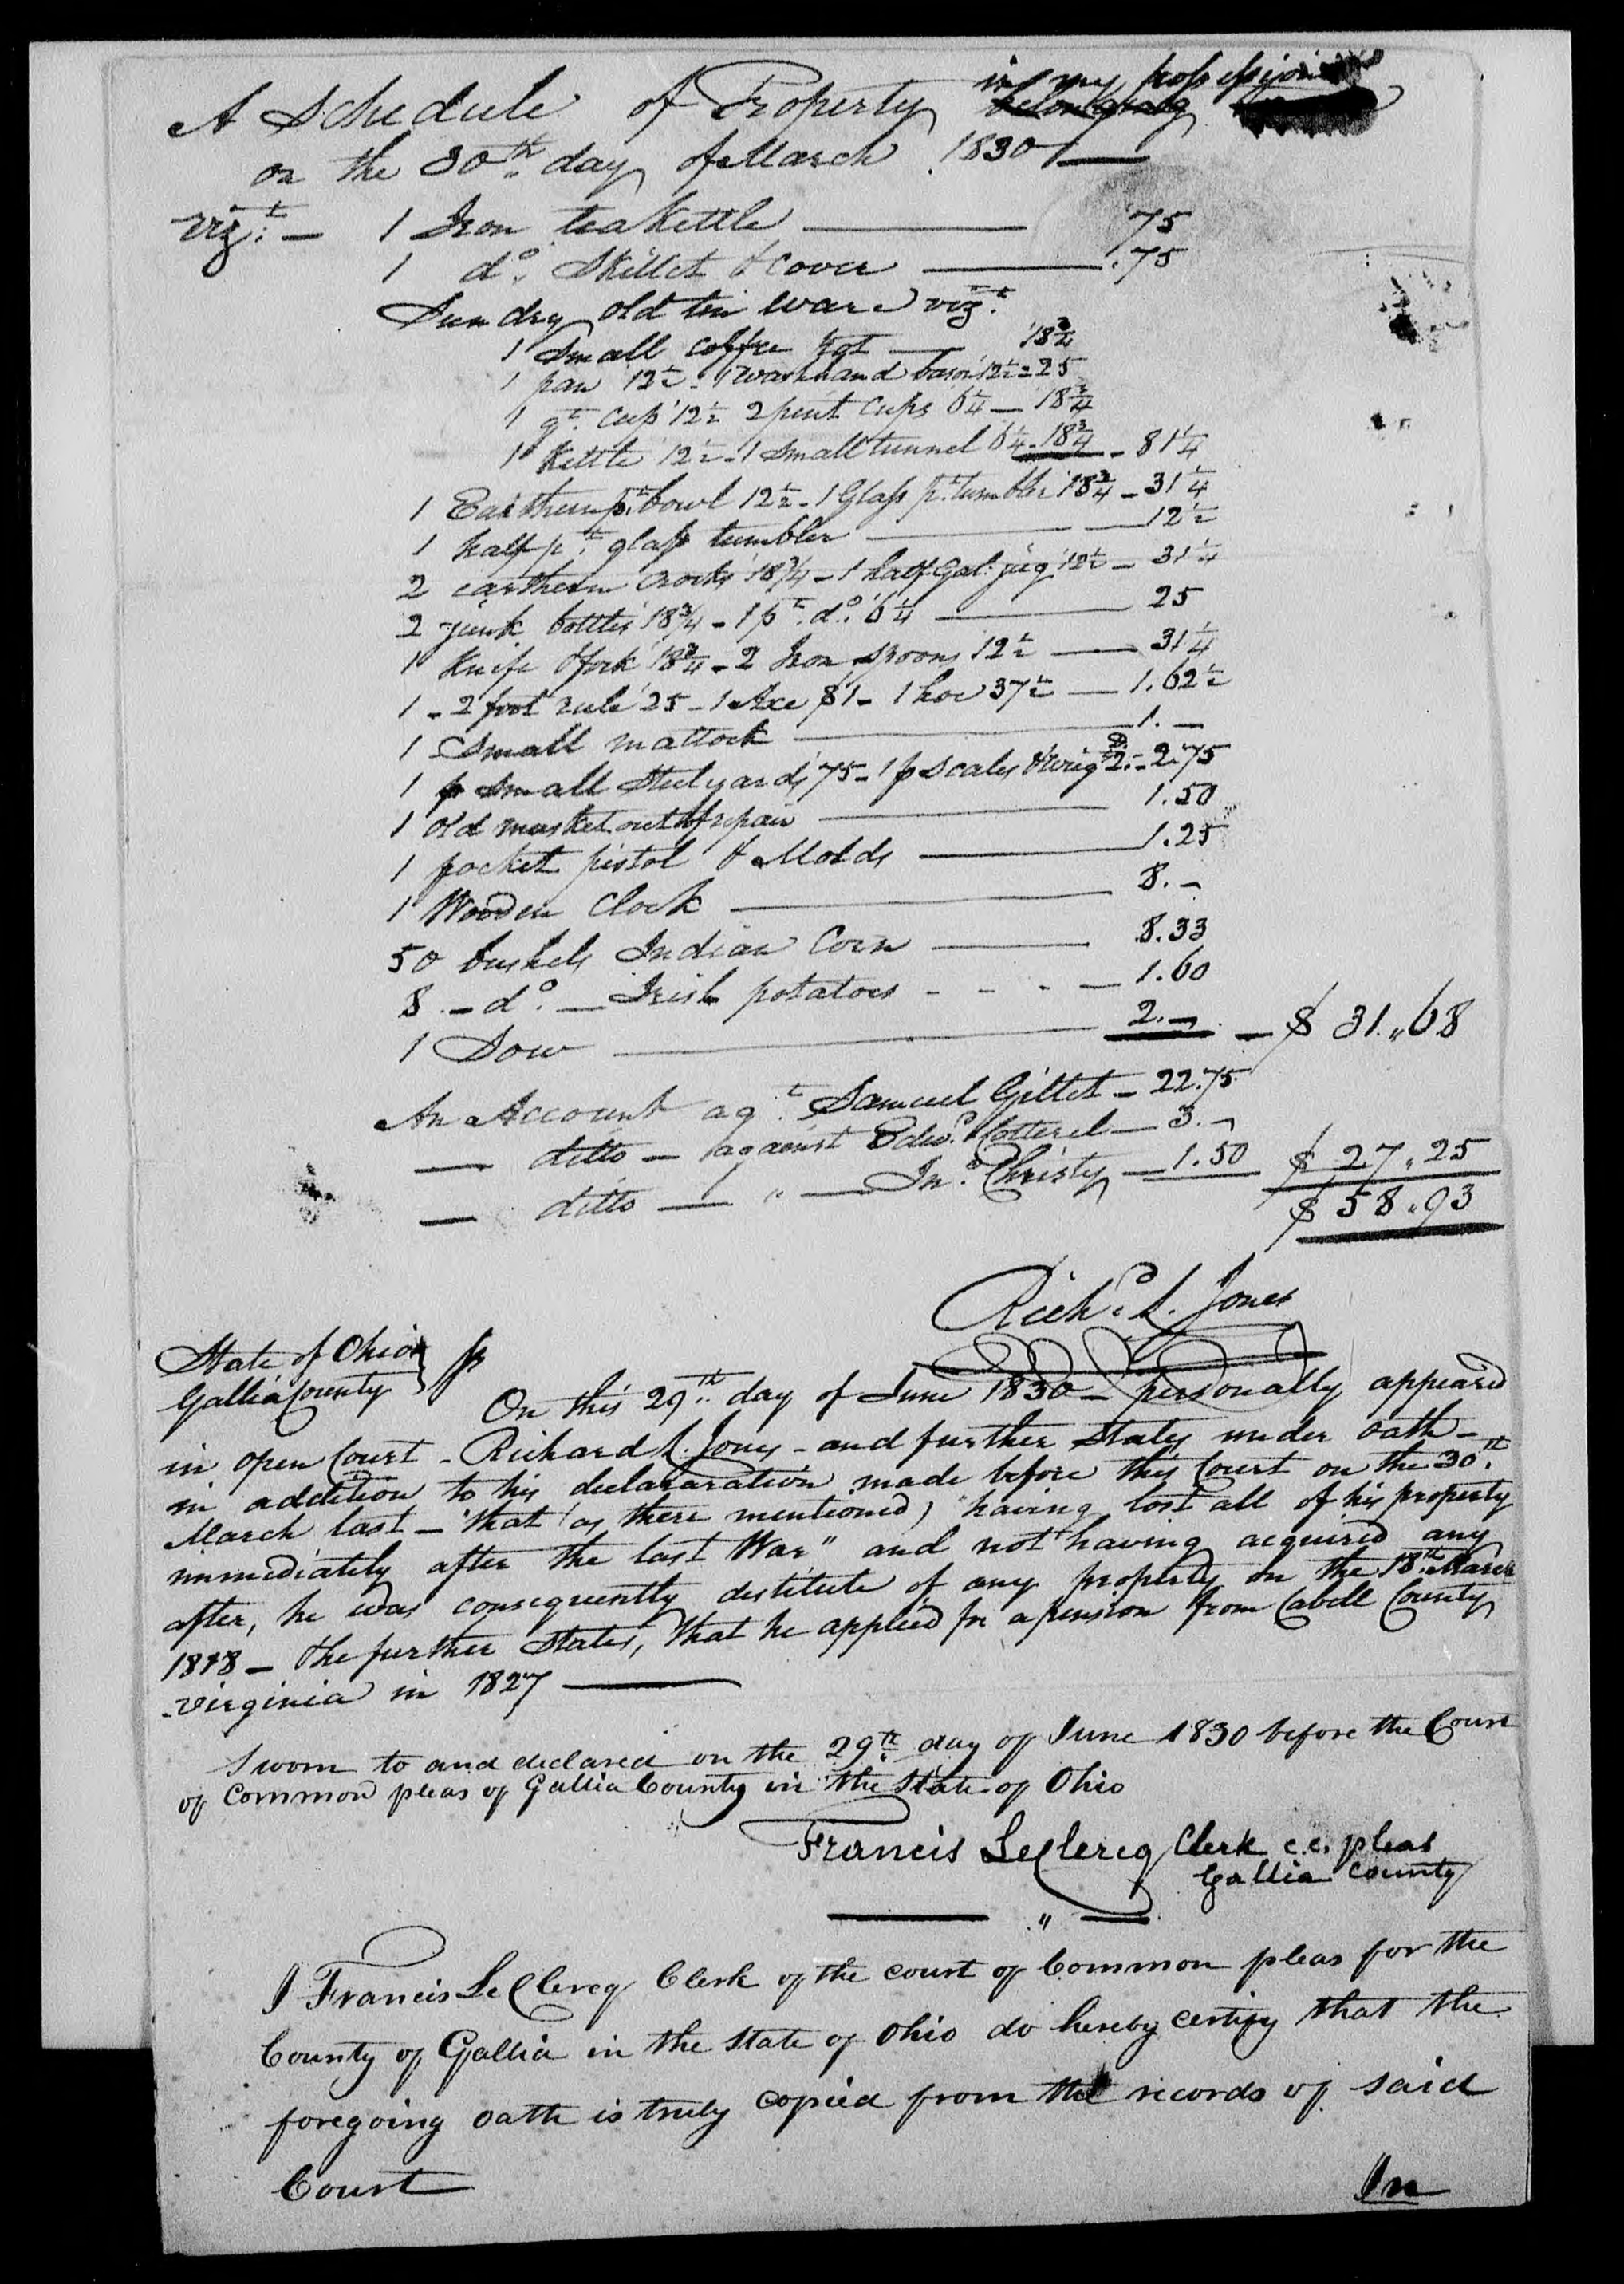Viz:
A Schedule of Property in my possession
the 30th day of March 1830
Viz: 
1 Iron tea kettle-75
1 do Skillet & Cover -75
Sundry old tin ware viz
1 Small Coffee pot -18 3/4
1 pan 12 1/2 1 wash and basin .12 1/2 - 25
1 qt. Cup 12 1/2  2 pint Cups 6 1/4- 18 3/4
1 Kettle 12 1/2- 1 Small tunnel 6 1/4 =81 1/4
1 Earthen bowl 12 1/2 Glass pt. Tumbler 13 3/4 -31 1/4
1 half pt glass tumbler - 12 1/2 
2 earthen crocks 18 3/4 - 1 half gal jug 12t 
-31 1/4
2 junk bottles 18 3/4 - 1 pt. do. 6 1/4 - 25
1 Knife & fork 18 3/4 - 2 Iron spoons 12 1/2 
- 31 1/4
1 2 foot rule'25 - 1 Axe $1- 1 hoc 37 1/2 
-1.63 1/2
1 small mattock - 1.
1 small Steelyard 75 - 1 p Seales & string 2. 
- 2.75 
1 old market out to repair -1.50
1 pocket pistol & Molds -1.25
1 Wooden Clock- 8.
50 bushels Indian Corn - 8.33
8 - do - Irish potatoes - 1.60
1 Sow - 2.
________
$31.69
An Account agt Samuel Gillet - 22. 75
-      ditto  - against Edwd Cotterel - 3.
-      ditto  -    "   - Jno Christy - 1.50
_____
$27.35
_____
$58.93
Richd S. Jones

State of Ohio
Gallia County Ss.
On this 29th day of June 1830 personally
appeared in open Court Richard L. Jones and further States under oath in addition to his declaration made before this Court on the 30th
March last-- that as there mentioned, "having lost all of his property immediately after the last war" and not having acquired any after, 
he was consequently destitute of any property on the 18th March 1818 - & He further states, that that he applied for a pension from Cabell County Virginia in 1827
---
Sworn to and declared on the 29th day of June 1830 before the Court of Common pleas of Gallia County in the State of Ohio
-
Francis Leclereq Clerk c.c. pleas 
Gallia County
 
I Francis Leclereq Clerk of the Court of Common pleas for the County of Gallia in the State of Ohio do hereby certify that the
foregoing oath is truly copied from the records of said
Court
Ln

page: 15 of 62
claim: widow's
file: W. 765, for Richard L Jones, Connecticut